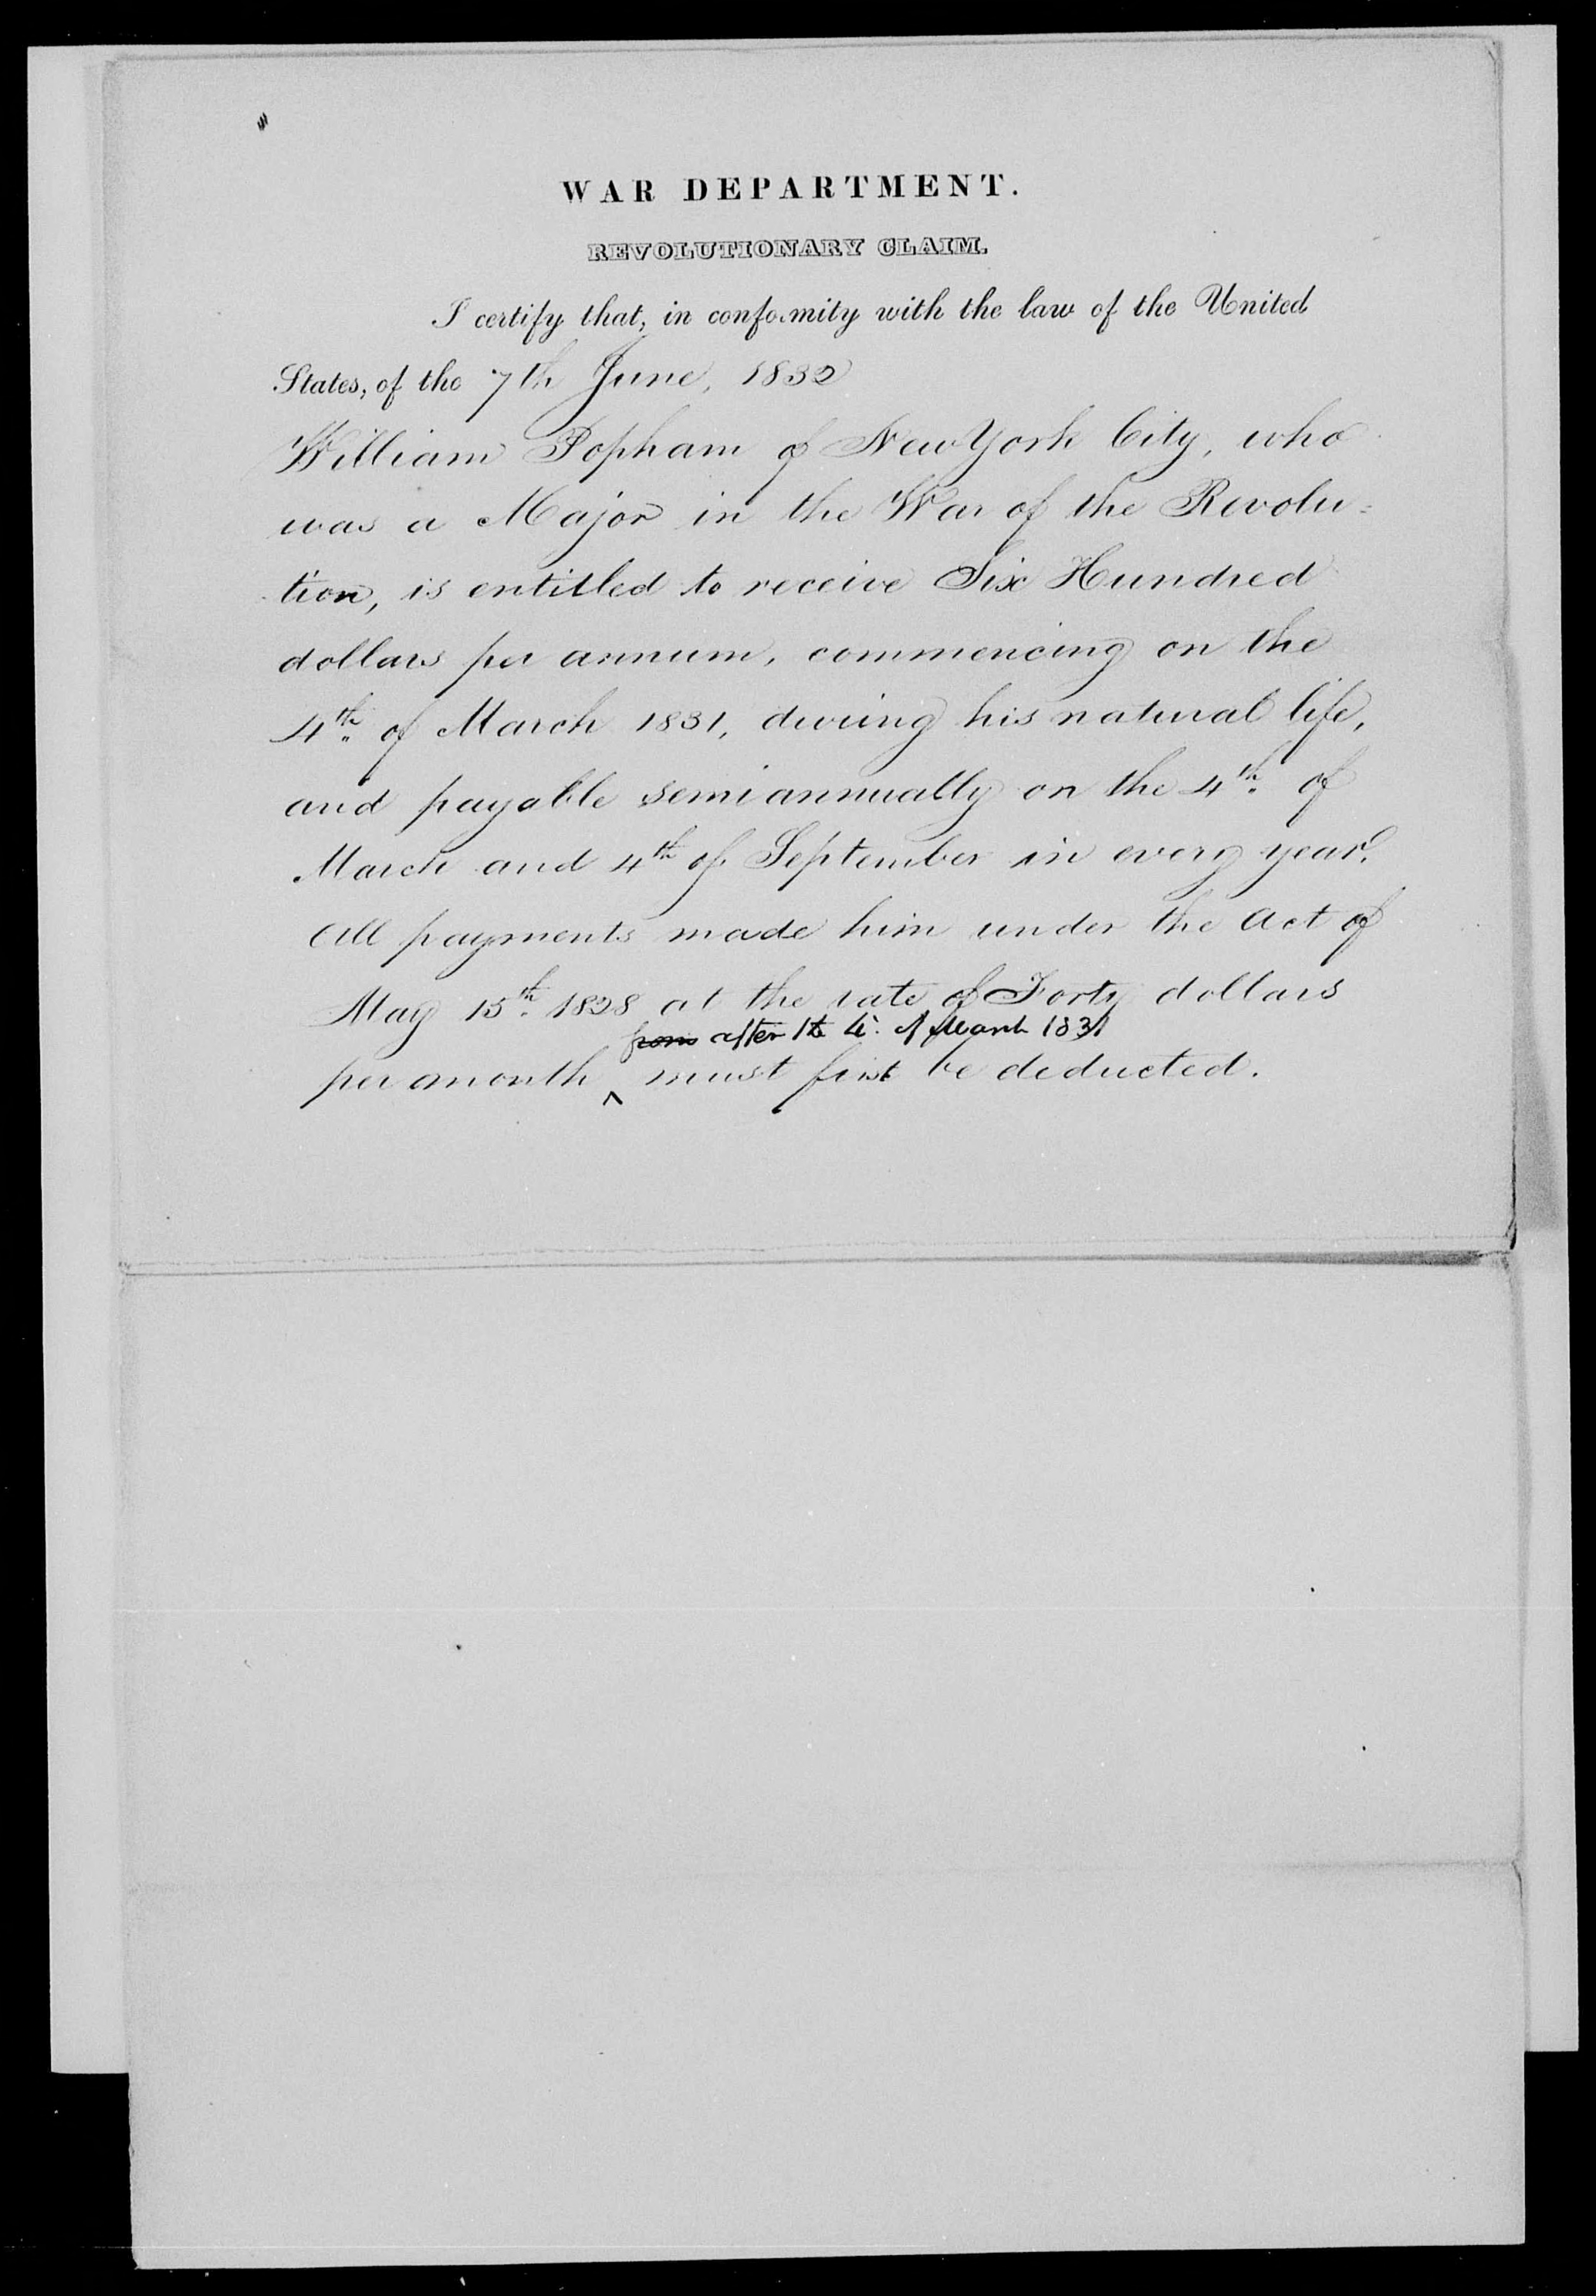WAR DEPARTMENT.
REVOLUTIONARY CLAIM
I certify that, in conformity with the law of the United States, of the 7th June, 1832
William Popham of New York City, who
was a Major in the War of the Revolution, is entitled to receive Six Hundred
dollars per annum, commencing on the
4th of March 1831, during his natural life,
and payable semiannually on the 4th
of March and 4th of September in every year
all payments made him under the act of
May 15th 1828 at the rate of Forty dollars
per month ^[pens- crossed out]  
after the 4 of March 1831
must first be deduct.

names: William Popham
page: 67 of 75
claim: survivor's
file: S. 9989, for William Popham, Delaware